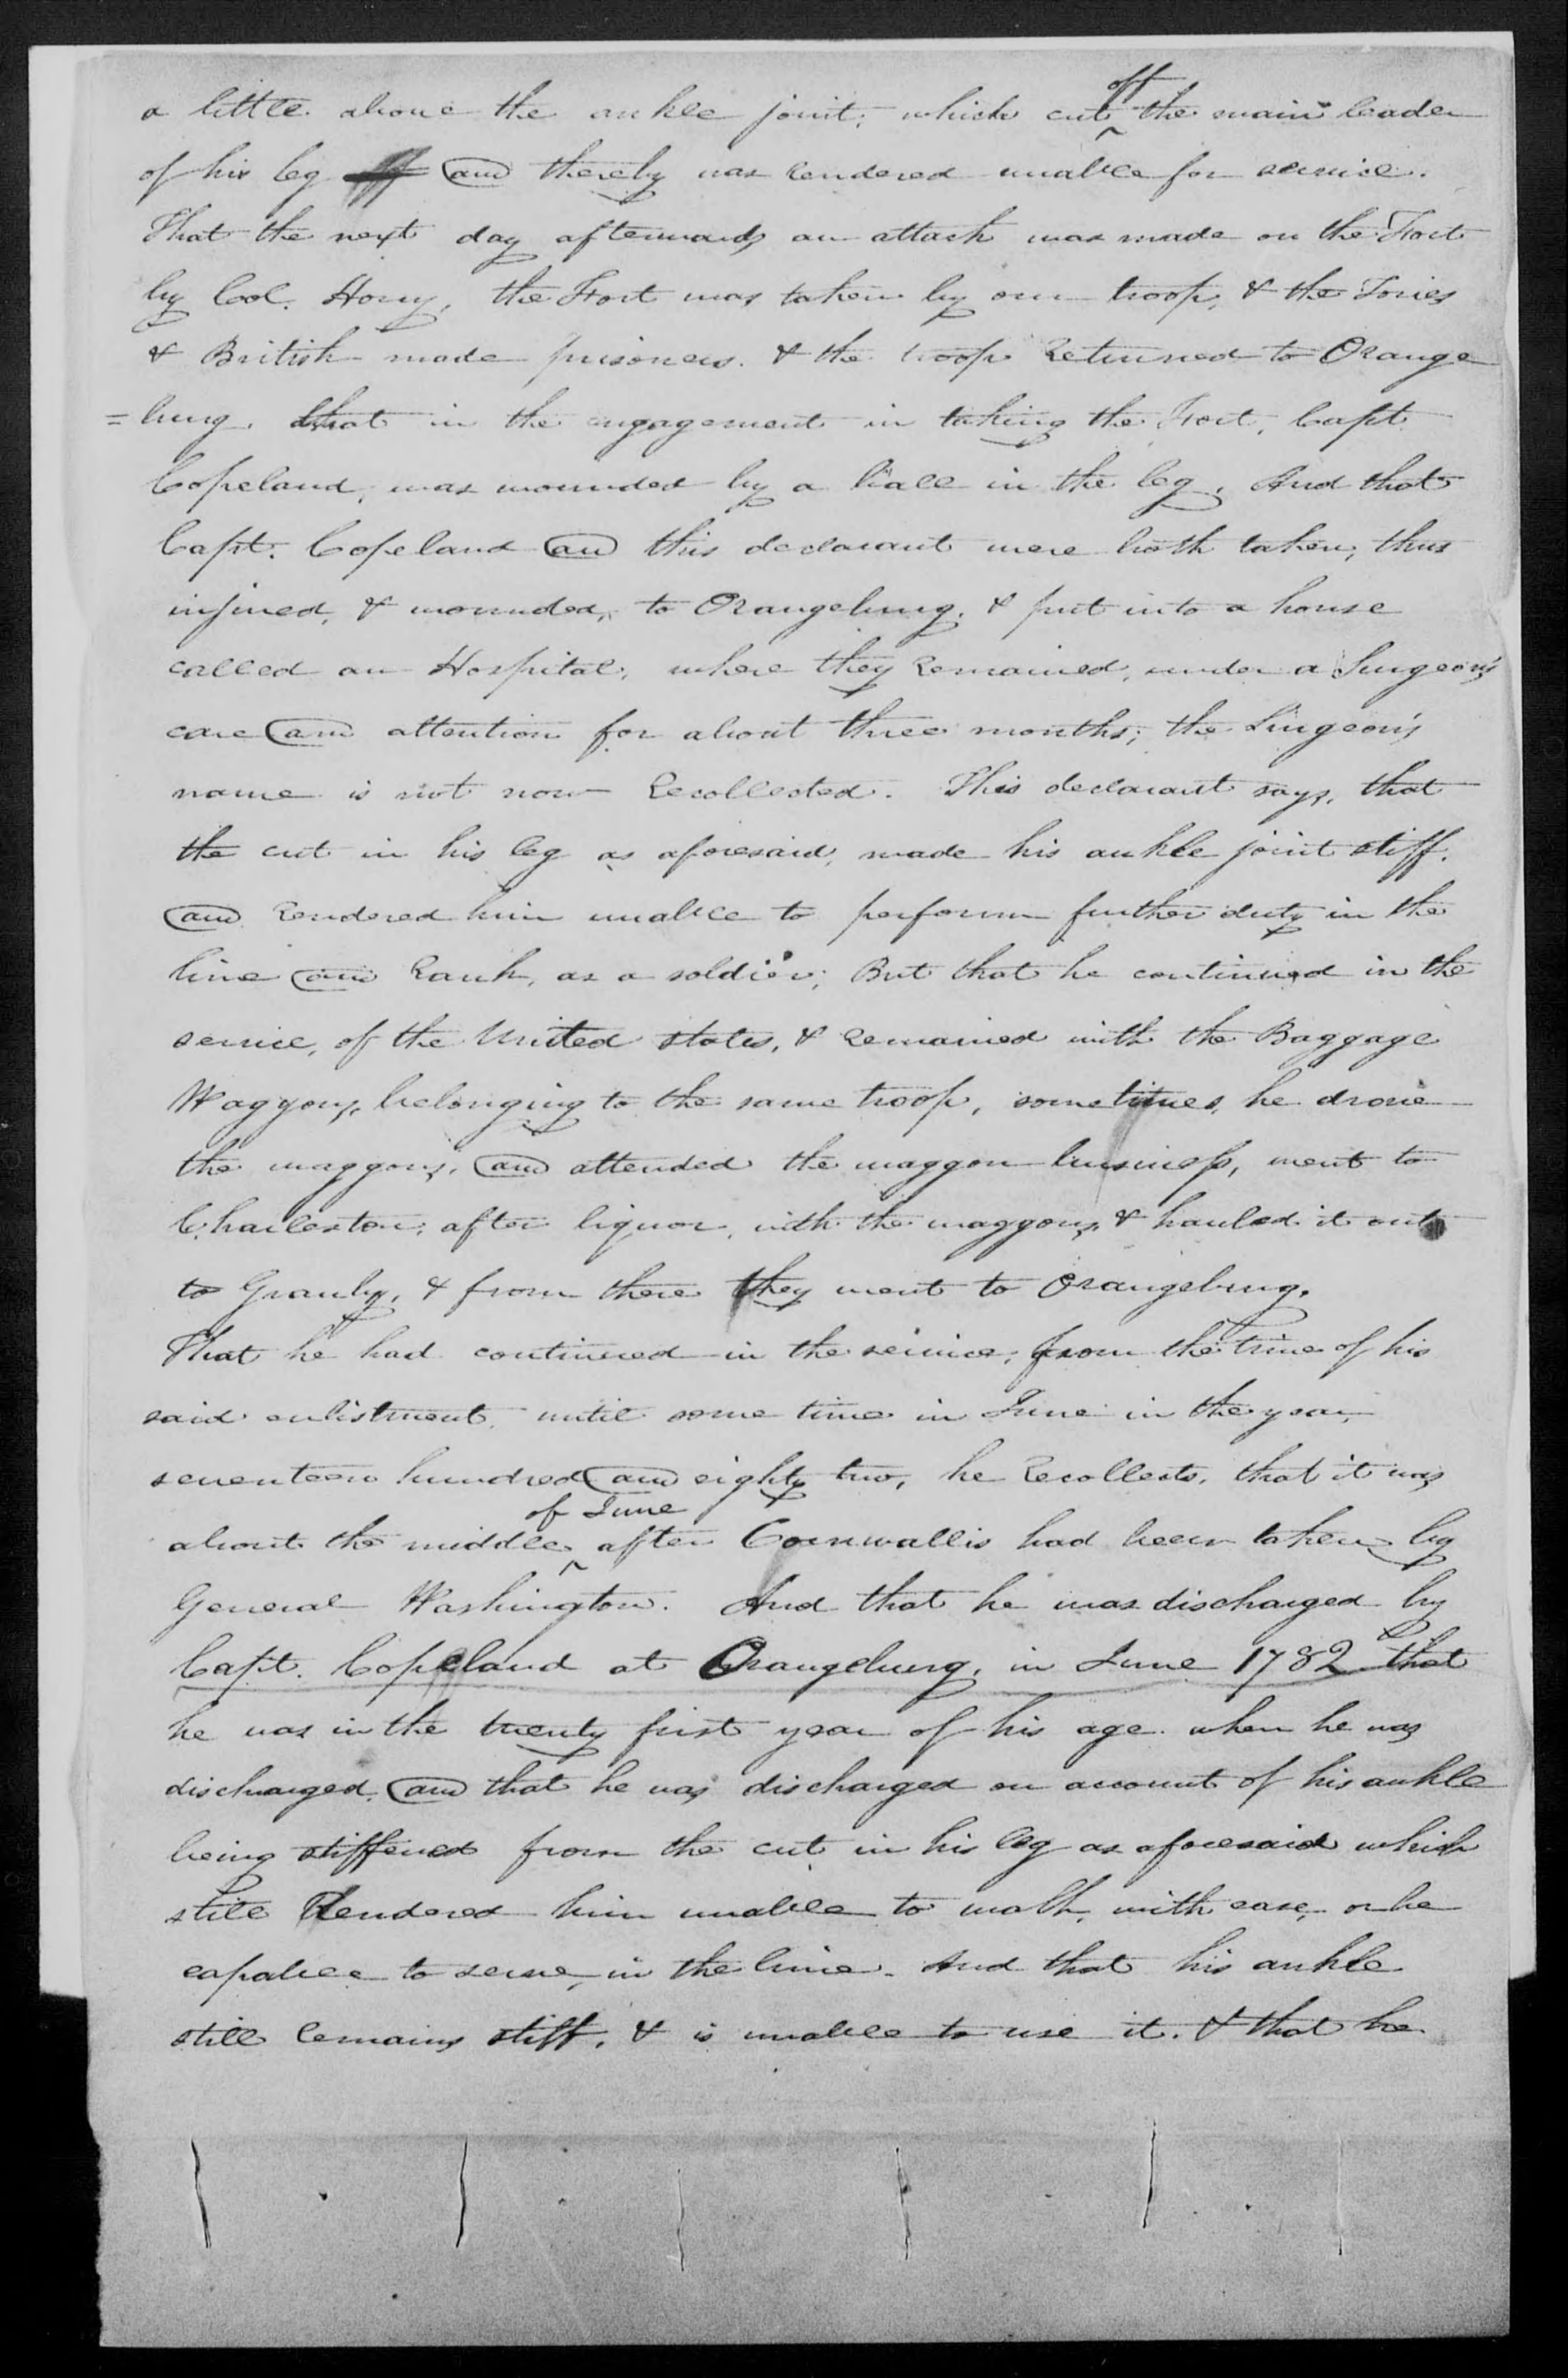a little above the ankle joint; which cut the main leader of his leg thereby was rendered unable for service.
That the next day afterwards an attack was made on the Fort
by Col. [Daniel] Horry, the Fort was taken by our troop, & the Tories
& British made prisoners, & the troop returned to Orangeburg. that in the engagement in taking the Fort. Capt
[William] Copeland, was wounded by a ball in the leg. And that Capt. Copeland and this declarant were both taken; thus injured, & wounded, to Orangeburg, & put into a house
called an Hospital, where they remained under a Surgeon's
care and attention for about three months; the Surgeon's name is not now recollected. This declarant says, that the cut in his leg as aforesaid, made his ankle joint stiff and rendered him unable to perform further duty in the line and rank, as a soldier. But that he continued in the
service of the United States, & remained with the baggage Waggons, belonging to the same troop, sometimes, he drove the waggons, and attended the waggon business, went to Charleston after liquor, with the waggons & hauled it out to Granby, & from there they went to Orangeburg. that he had continued in the service from the time of his
said enlistment until some time in June in the year seventeen hundred and eighty two, he recollects, that it was about the middle of June after Cornwallis had been taken by
General Washington. And that he was discharged by Capt Copland at Orangeburg, in June 1782. that
he was in the twenty first year of his age when he was discharged and that he was discharged on account of his ankle being stiffened from the cut in his leg as aforesaid which still renders him unable to walk with ease or be capable to serve in the line. And that his ankle still remains stiff, & is unable to use it. & that he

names: Copeland, Copeland, Copeland, Washington, Horry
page: 6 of 41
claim: rejected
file: R. 1309, James Brown, S.C.